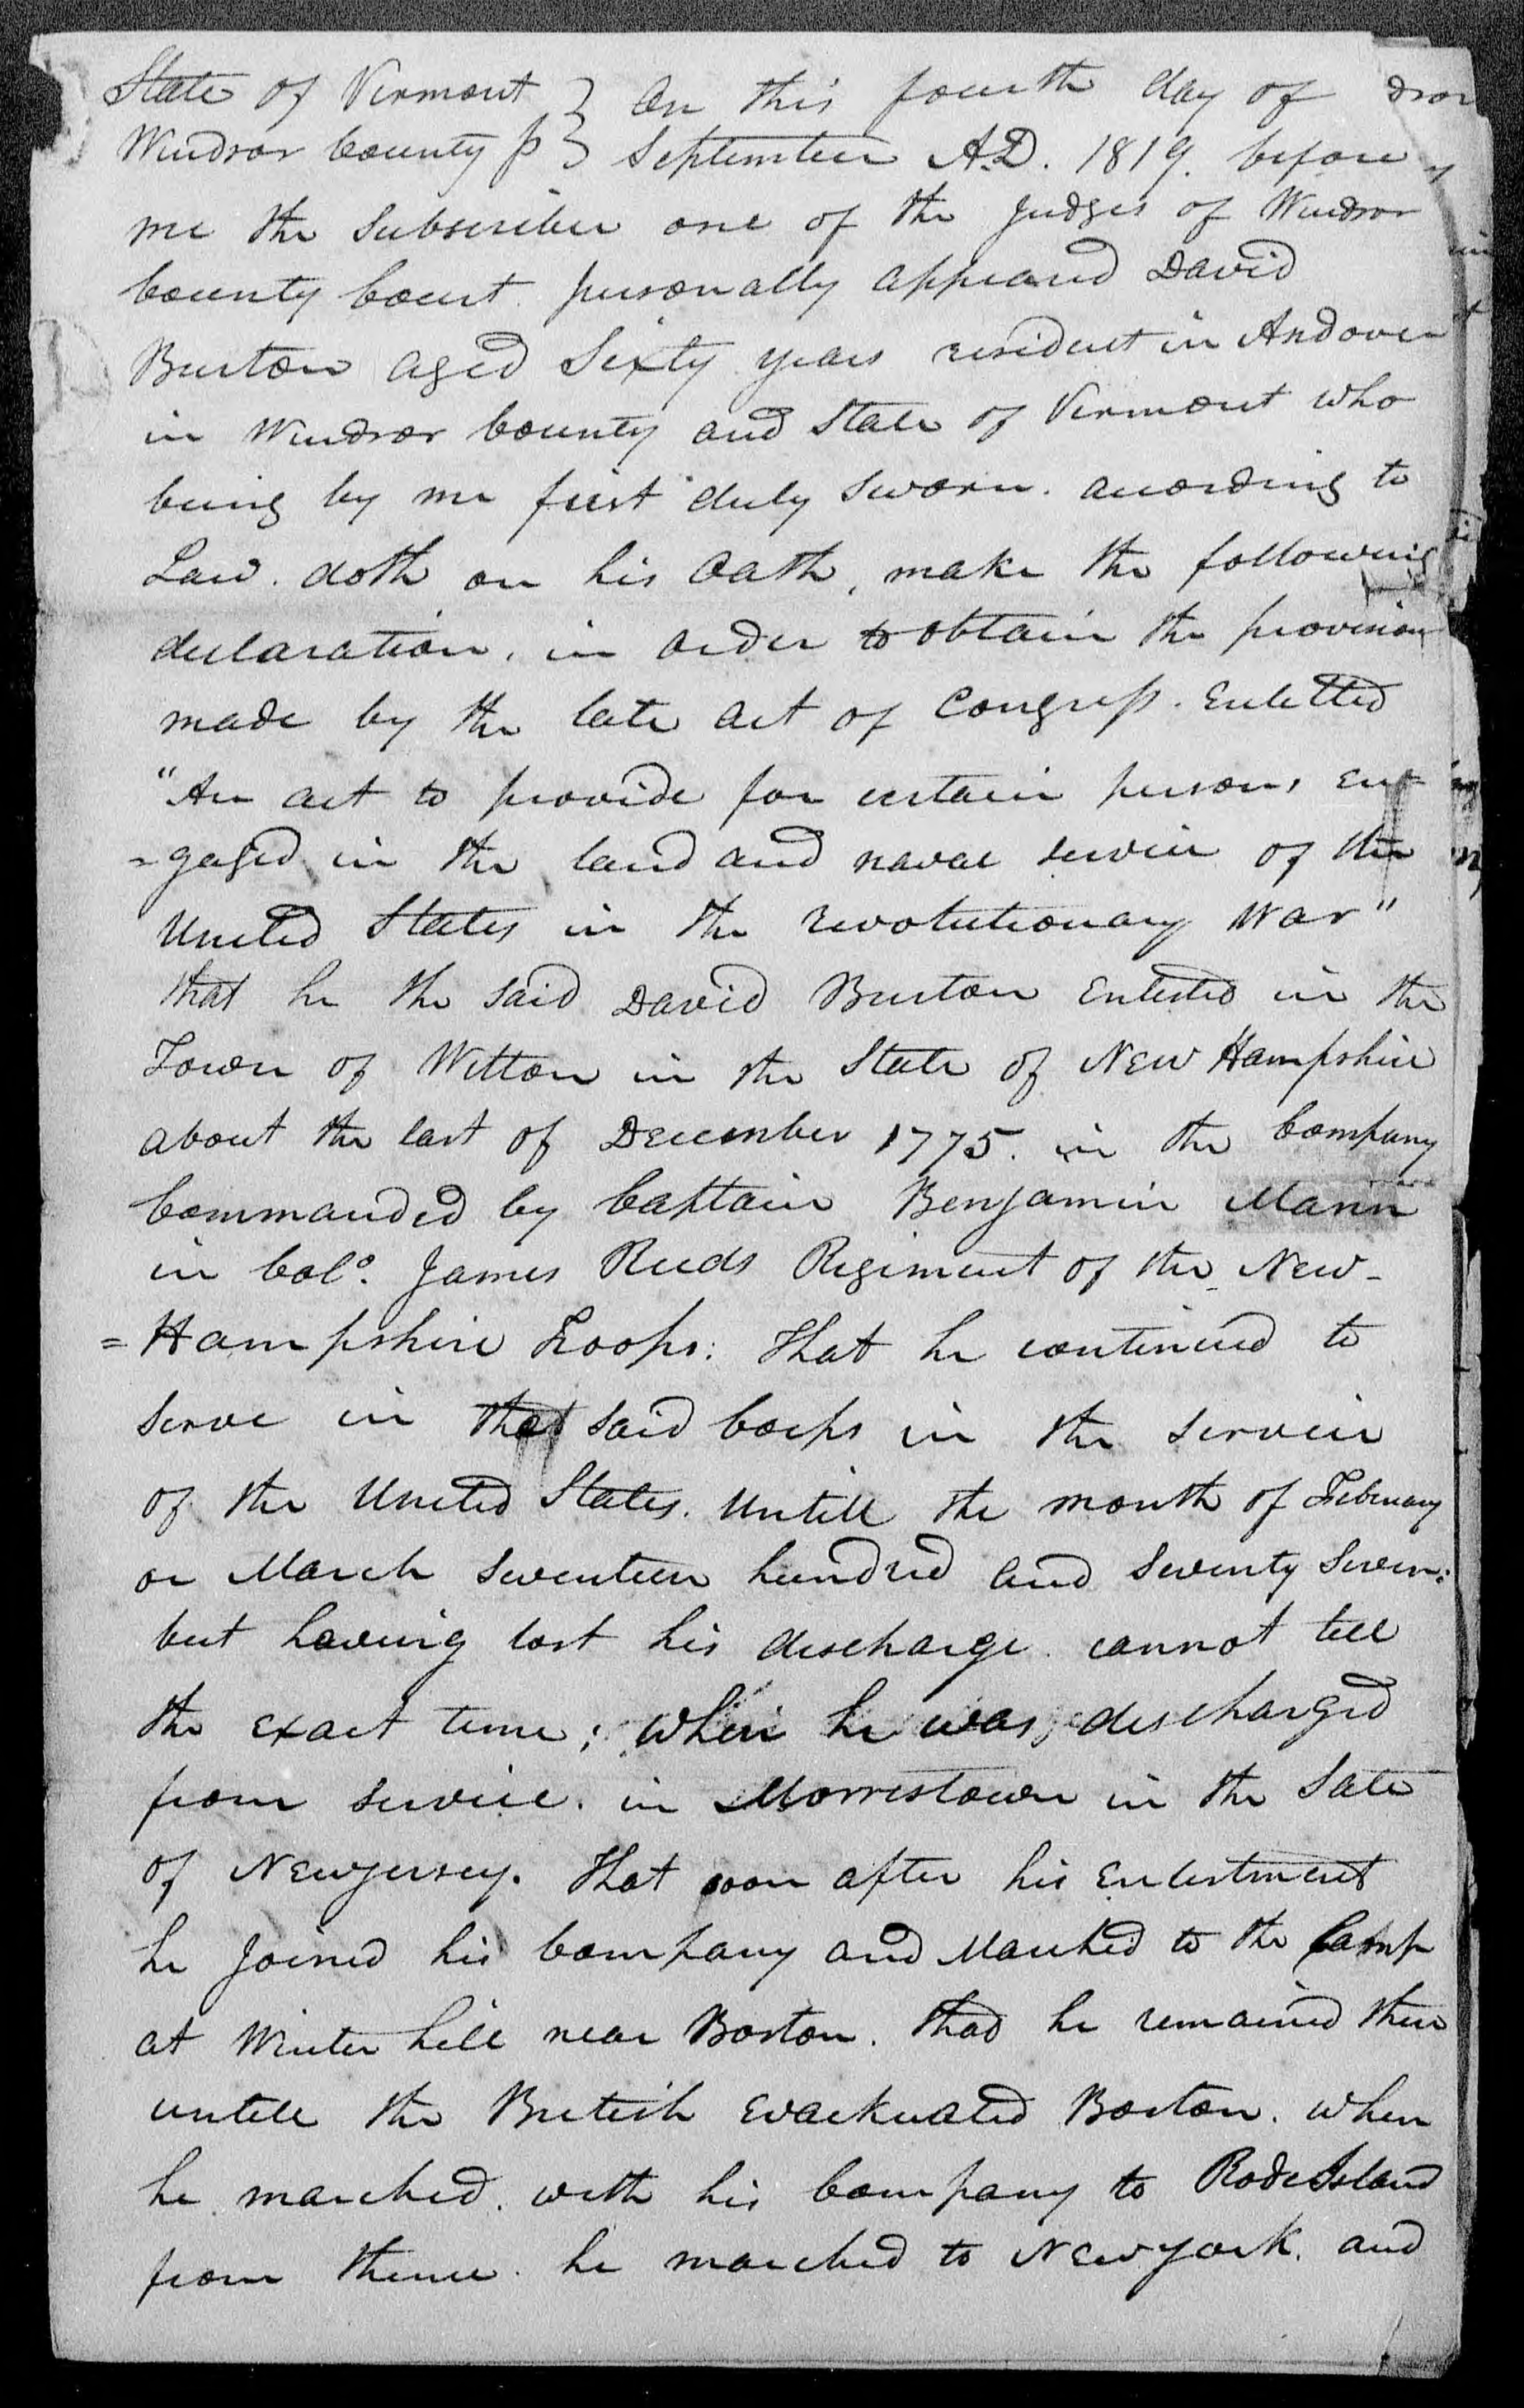State of Vermont
Windsor County ss }
On this fourth day of September AD 1819 before me the subscriber one of the Judges of Windsor County Court personally appeared David Burton aged sixty years resident in Andover in Windsor County and state of Vermont who being by me first duly sworn according to law doth on his oath make the following declaration in order to obtain the provision made by the late act of Congress entitled "An act to provide for certain persons engaged in the land and naval service of the United States in the revolutionary war" that he the said David Burton enlisted in the Town of Wilton in the state of New Hampshire about the last of December 1775 in the company commanded by Captain Benjamin Mann in Col James Reed's regiment of the New Hampshire troops. That he continued to serve in that said troops in the service of the United States until the month of February or March seventeen hundred and seventy-seven but having lost his discharge cannot tell the exact time; when he was discharged from service in Morristown in the state of New Jersey.  That soon after his enlistment he joined his company and marched to the camp at Winter hill hear Boston. That he remained there until the British evacuated Boston, when he marched with his company to Rode [Rhode]  Island from thence he marched to New York and [end of page]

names: Benjamin Mann, David Burton, David Burton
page: 5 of 18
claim: survivor's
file: S. 40773, David Burton, N.H.